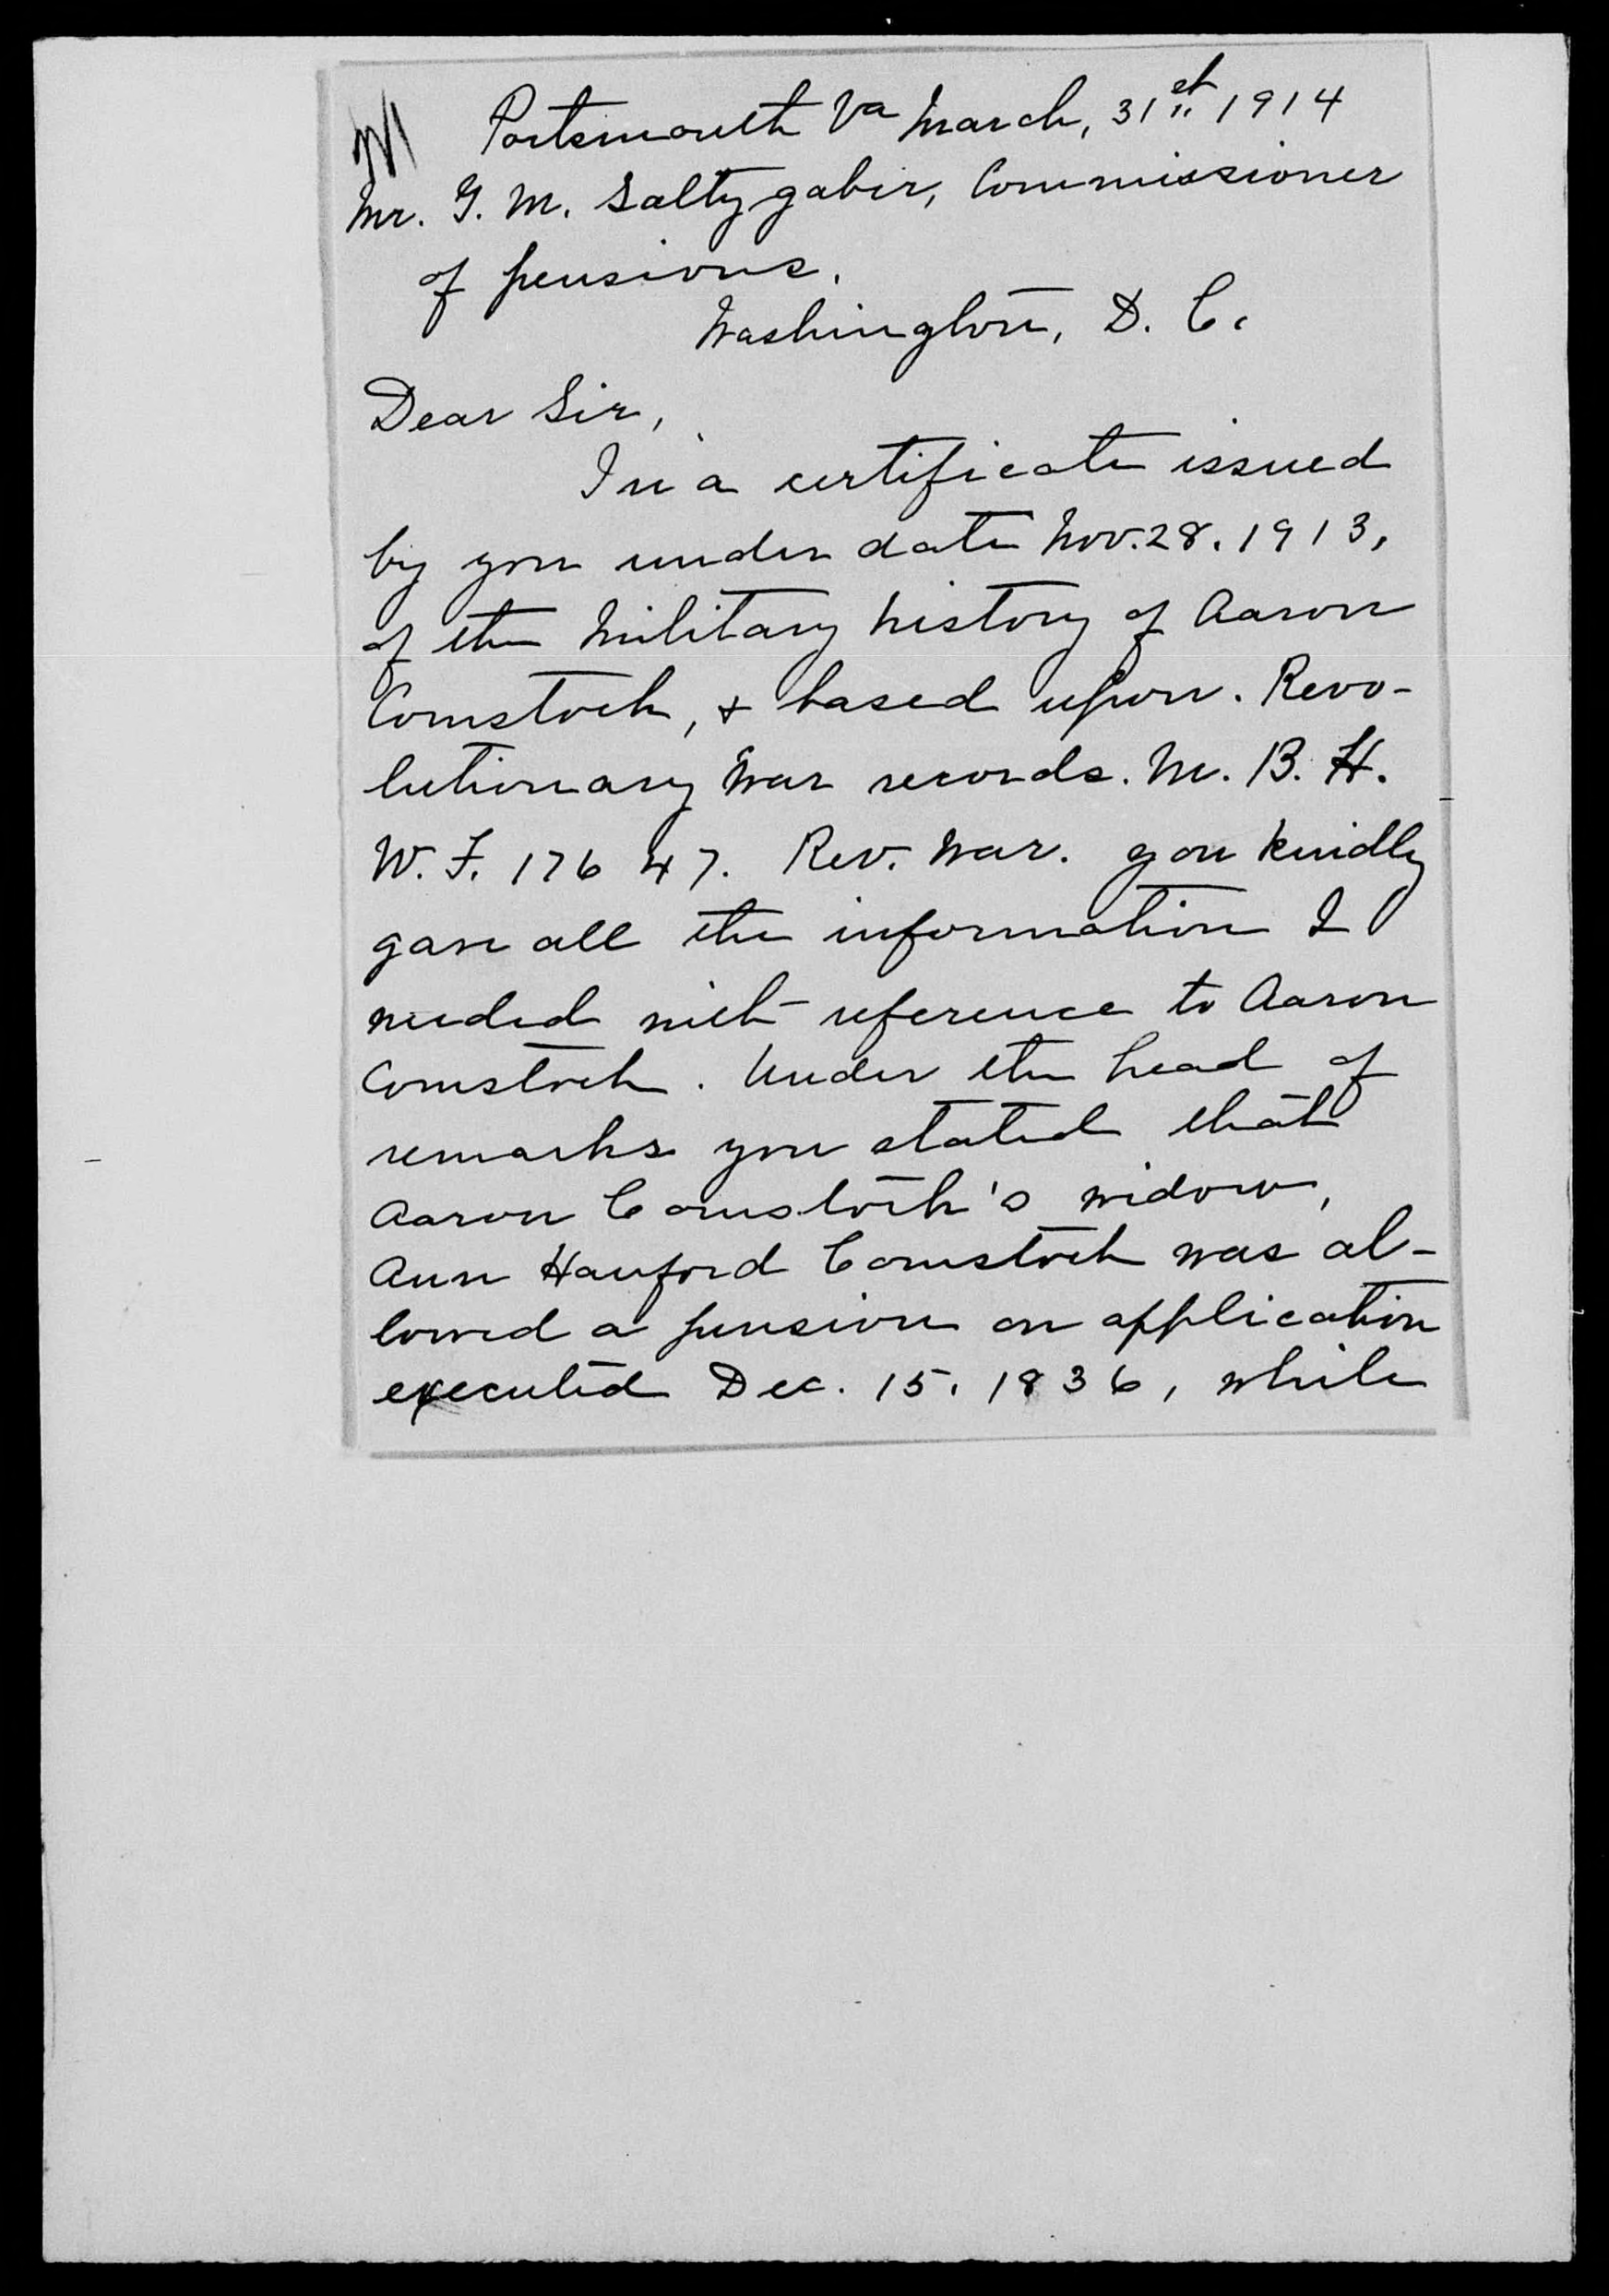Portsmouth Va March, 31st 1914
Mr. G. M. Saltzgaber, Commissioner of pensions.
Washington, D. C.

Dear Sir,
In a certificate issued by you under date Nov. 28. 1913, of the military history of Aaron Comstock, & based upon. Revolutionary War records. M. B. H. W. F. 176 47. Rev. War. you kindly gave all the information I needed with reference to Aaron Comstock. Under the head of remarks you stated that Aaron Comstock's widow Ann Hanford Comstock was allowed a pension on application executed Dec. 15, 1836, while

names: Aaron Comstock, G M Saltzgabir, Aaron Comstock, Aaron Comstock, Ann Hanford Comstock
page: 19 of 43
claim: widow's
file: W. 17,647, Aaron Comstock, Conn.